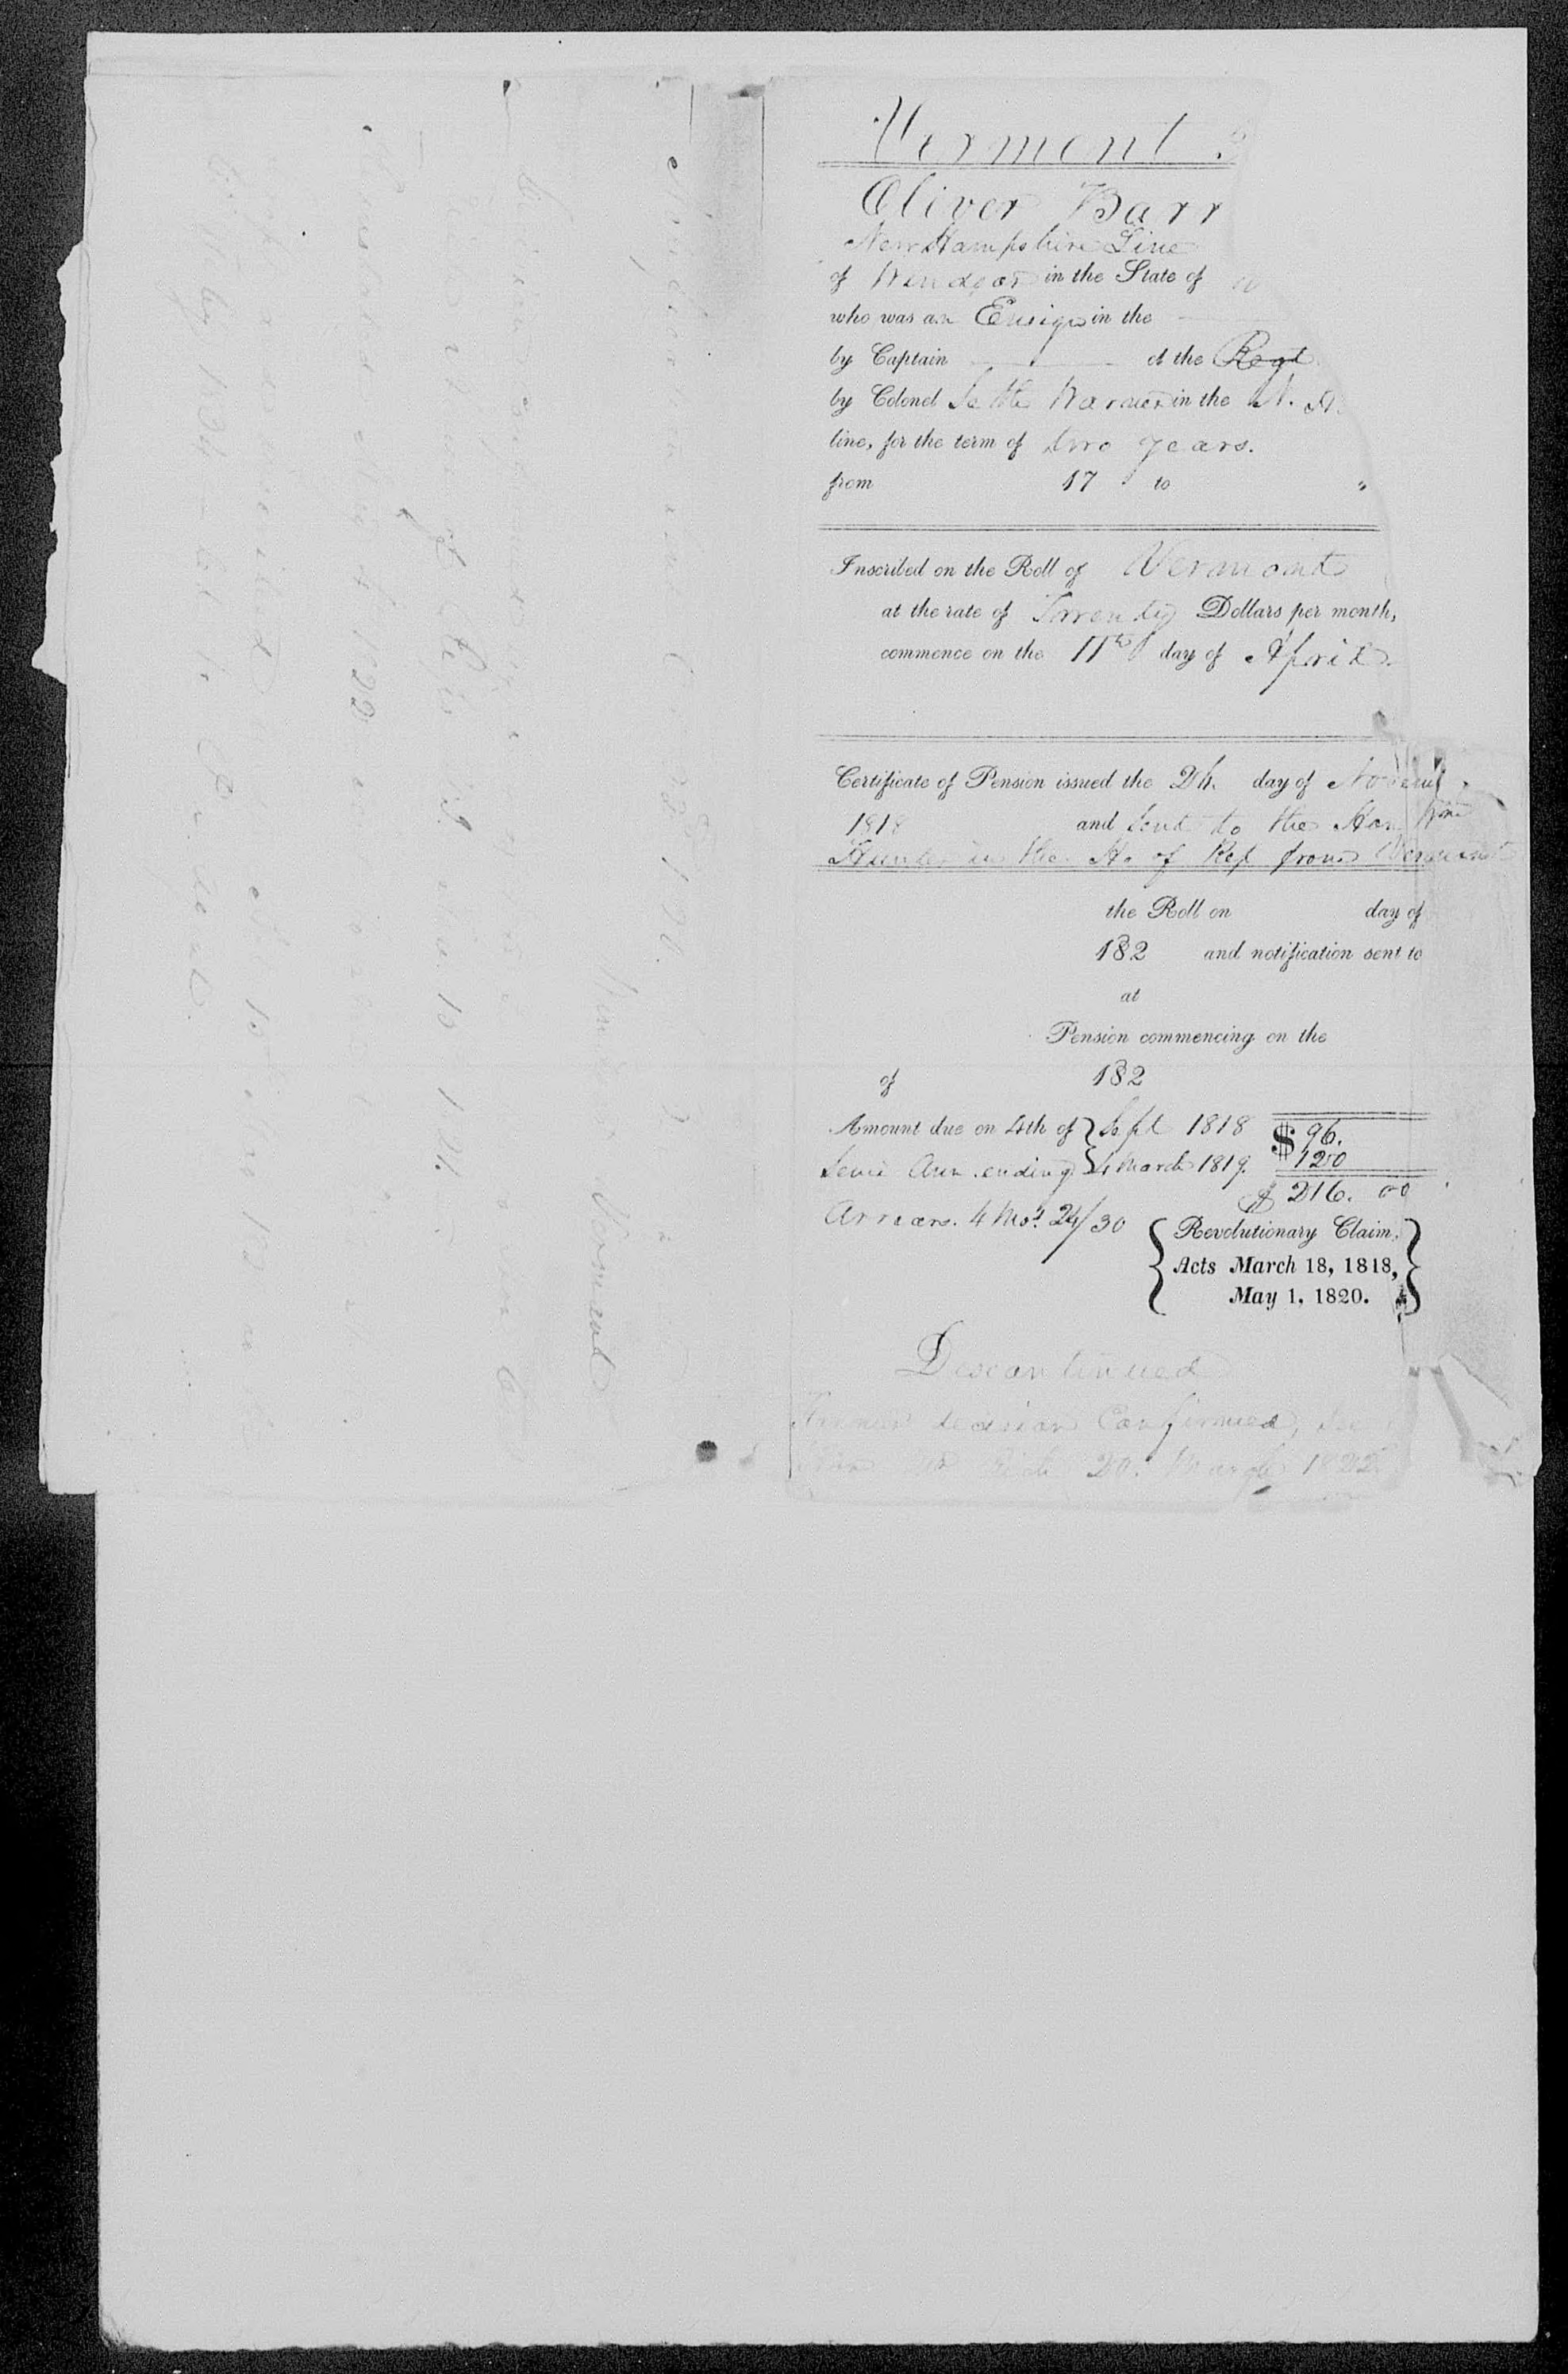Vermont
Oliver Barr
New Hampshire Line
of Windsor in the State of 
who was an Ensign in the 
by Captain and the Regt
by Colonel Sethe Warner in the N.H. 
line, for the term of two years
from    17 to   

Inscribed on the Roll of Vermont
at the rate of Twenty Dollars per month, 
commence on the 11th day of April. 

Certificate of Pension issued the 21 day of Novemb 1818 and sent to the Hon Wm Hunter in the Ho. of Rep from Vermont

the Roll on   day of 
182 and notification sent to
at
Pension commencing on the 
of    182

Amount due on 4th of Sept 1818     $96
Semi anl ending 4 March 1819   120
$216.00

Arrears 4 mo 24/30

{Revolutionary Claim 
Acts March 18, 1818
May 1, 1820.}

Discontinued 
(illegible) decision confirmed Sec.
(illegible) 20 March 1822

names: Lethe Warner, Oliver Barr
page: 2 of 83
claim: widow's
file: W. 10,384, Oliver Barrett, Continental (Vt.) N.Y.